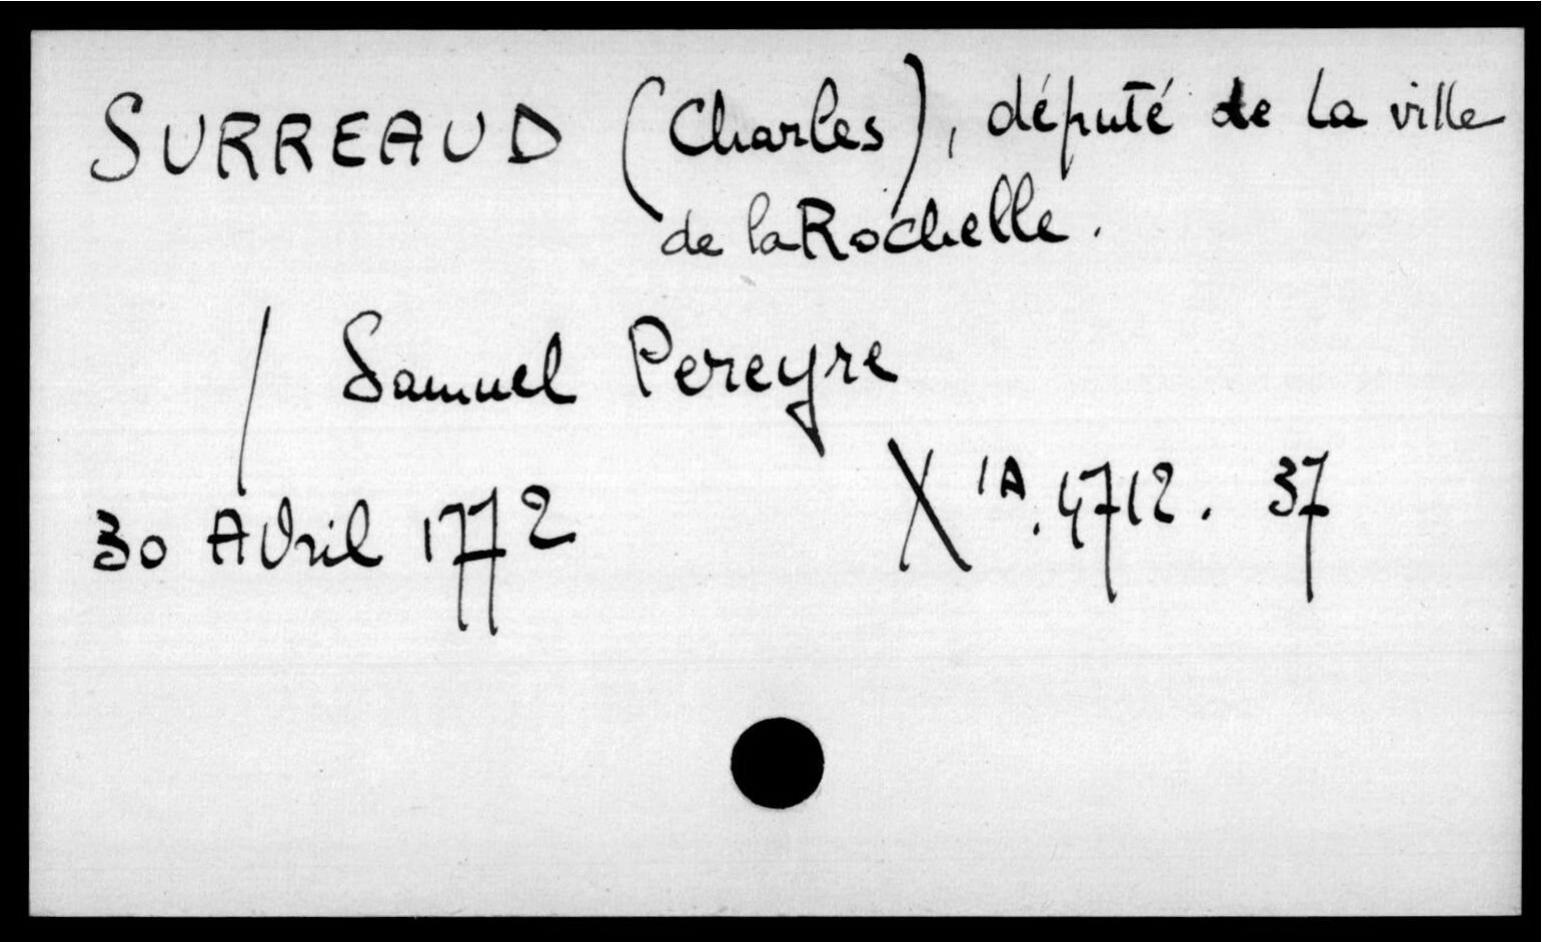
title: SURREAUD (Charles), député de la ville de la Rochelle
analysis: Contre Samuel Pereyre
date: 30 avril 1772
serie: X1A
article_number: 4712
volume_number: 37
